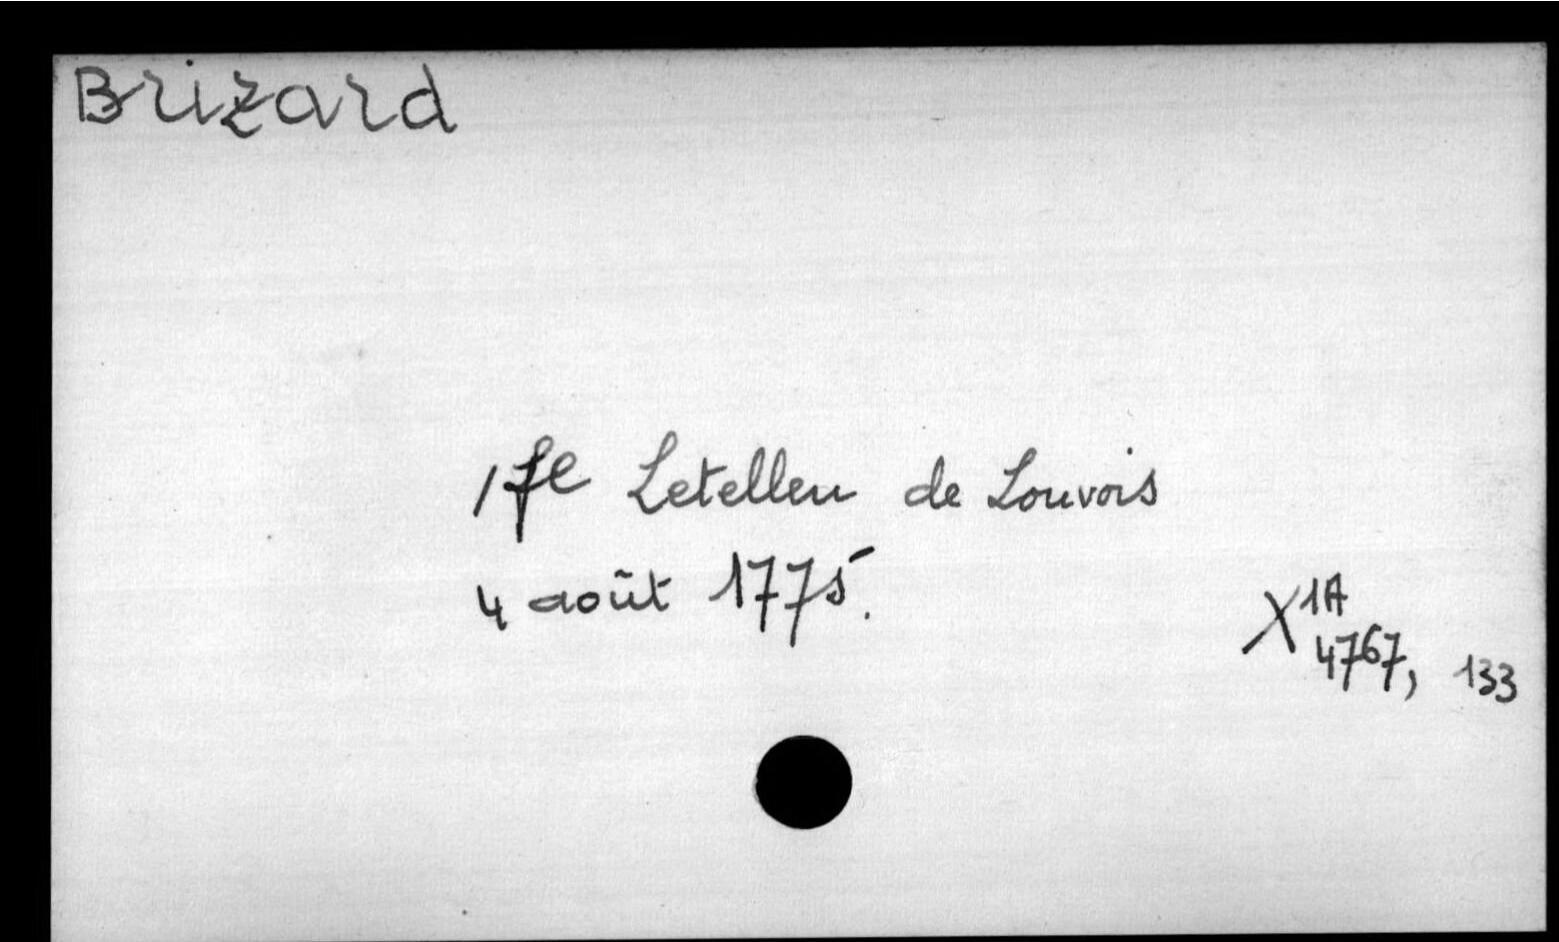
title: BRIZARD
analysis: Contre femme Letellier de Louvois
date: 4 août 1775
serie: X1A
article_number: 4767
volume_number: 133
